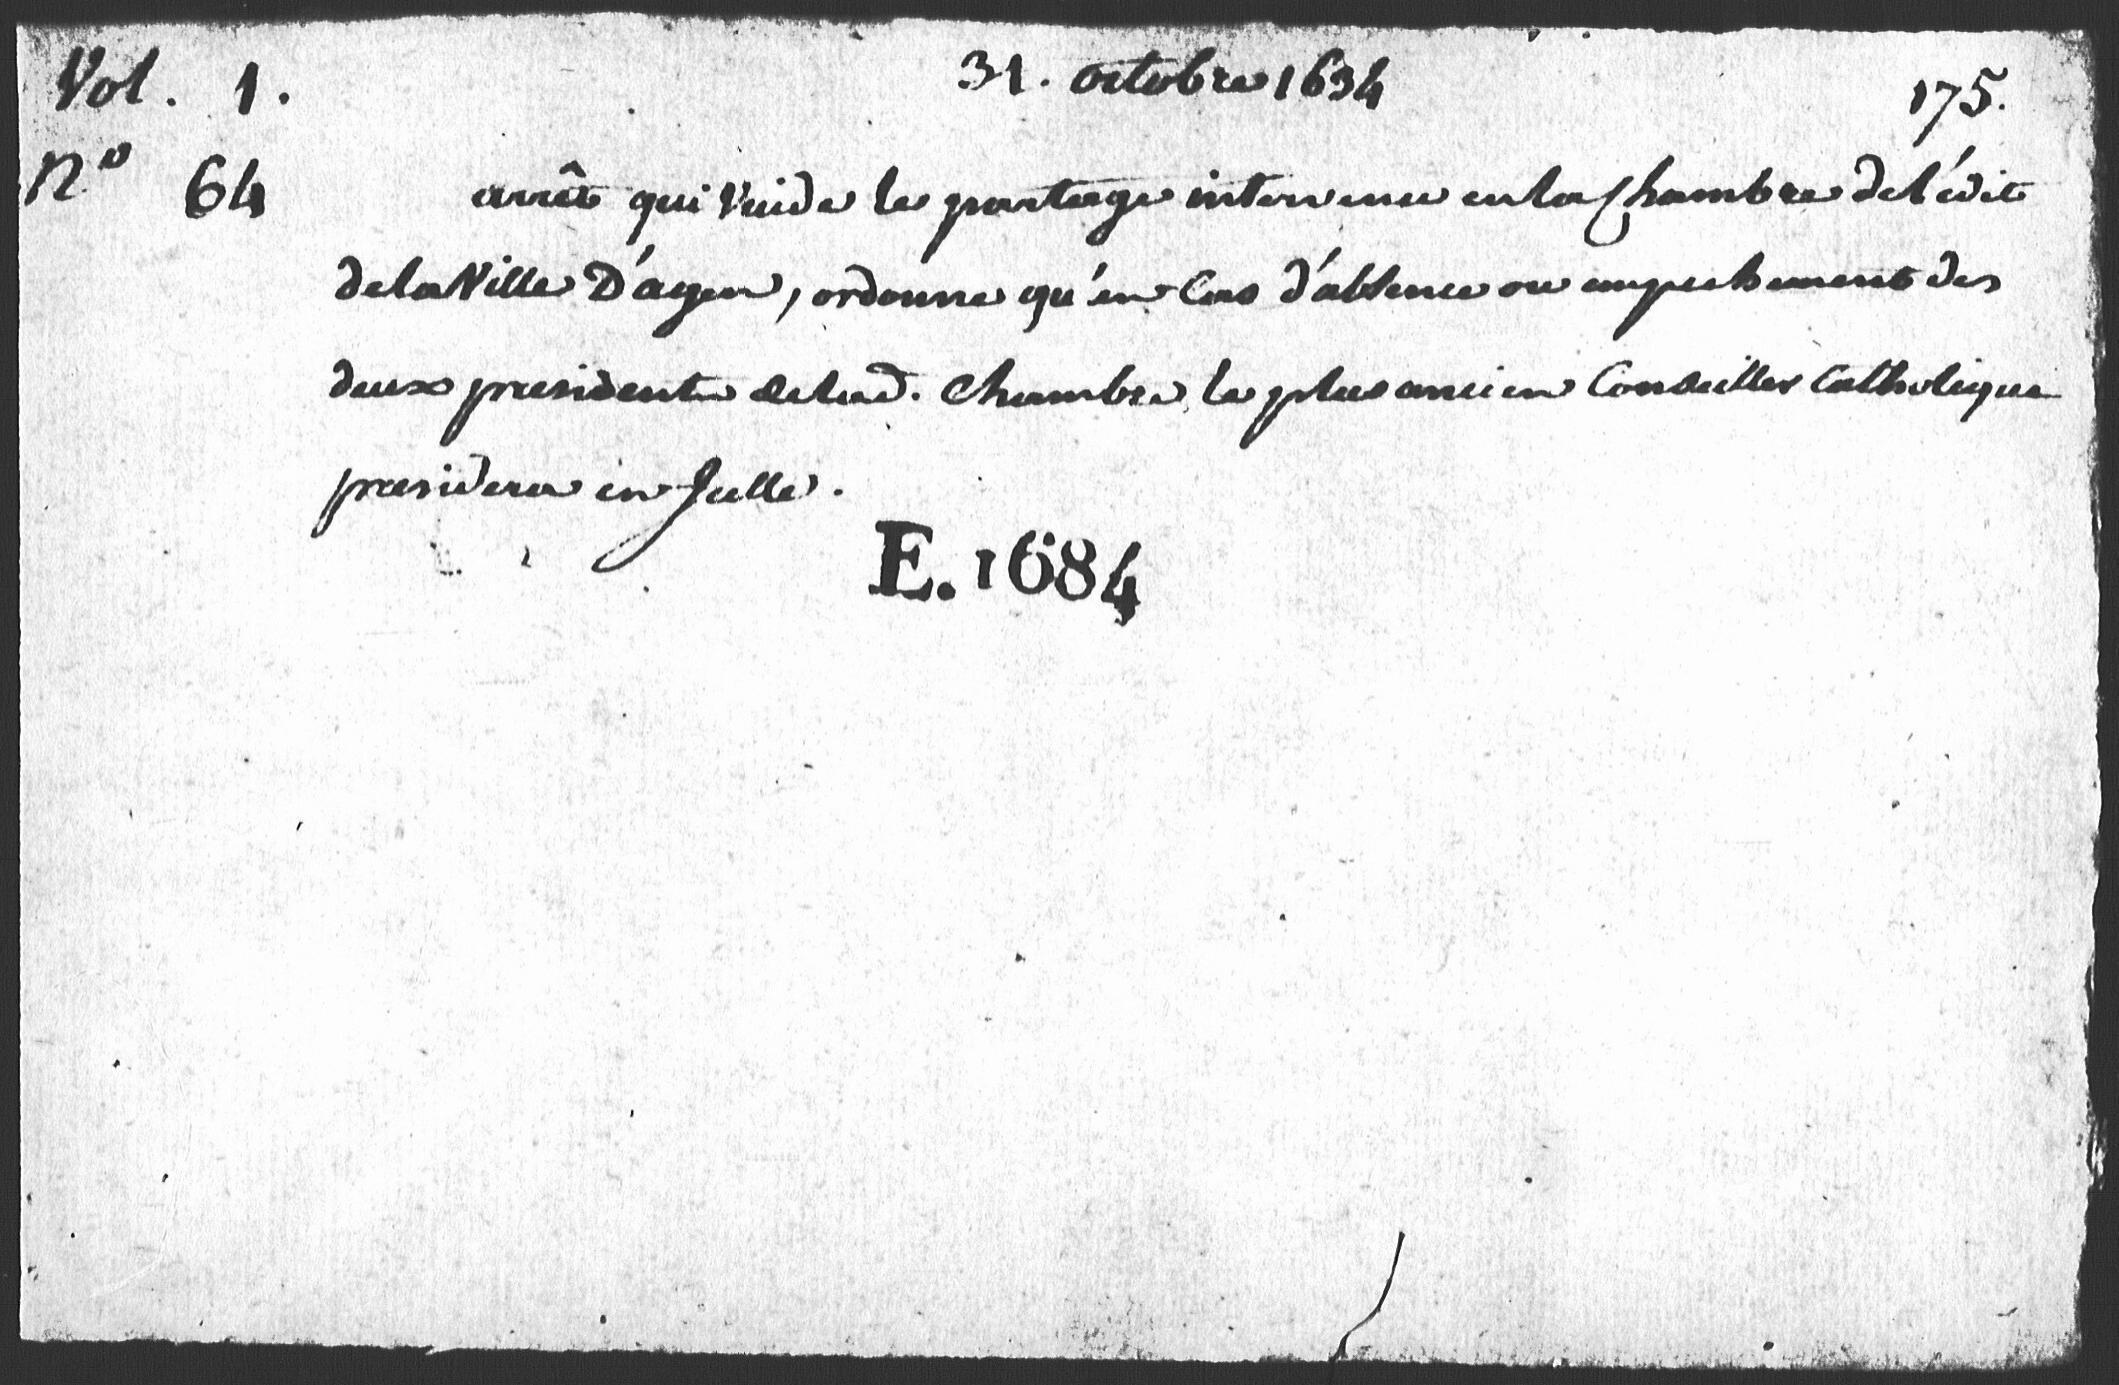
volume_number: n°64
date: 31 octobre 1634
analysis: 175
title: Arrêt qui vuide le partage intervenu en la Chambre de l’edit de la Ville D’agen, ordonne qu’en cas d’absence ou empechement des deux presidents delad. Chambre le plus ancien conseiller catholique presidera en icelle
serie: E
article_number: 1684
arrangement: vol. 1
